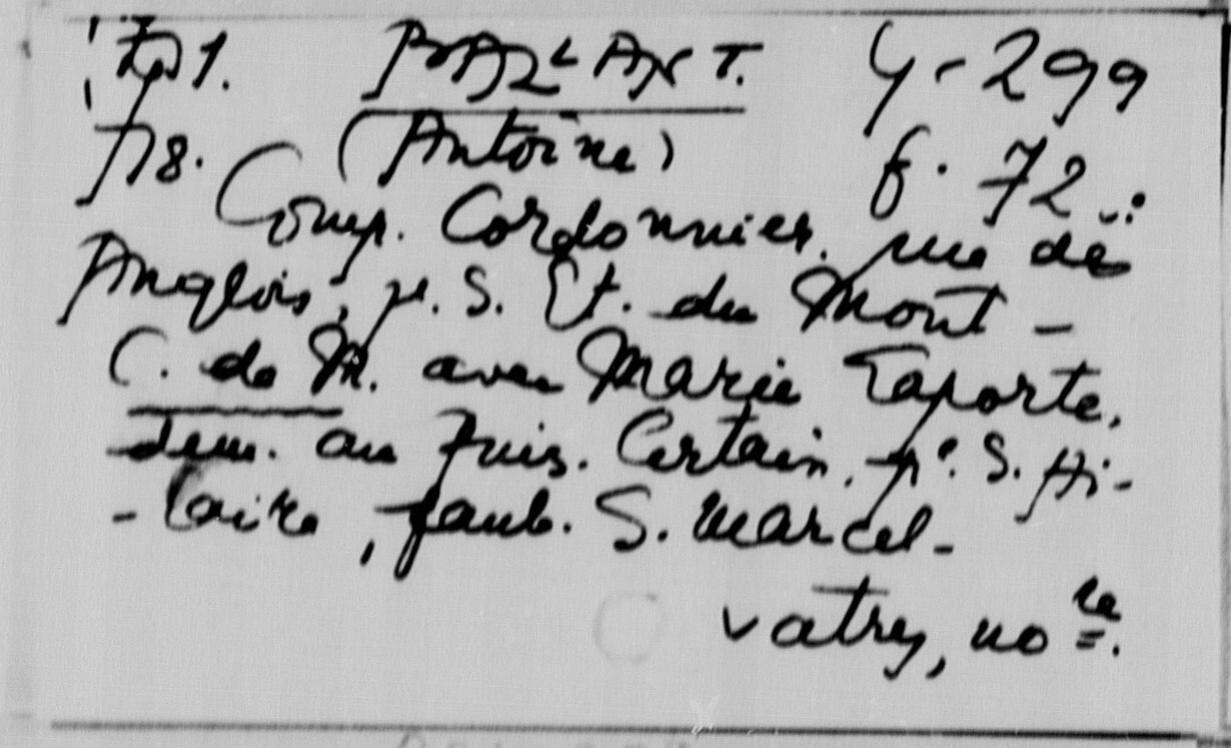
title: BALLANT (Antoine)
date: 1701-1718
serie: Y
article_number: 299
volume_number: folio 72 verso
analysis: Compagnon cordonnier rue des Anglois paroisse Saint Etienne-du-Mont Contrat de mariage avec Marie Laporte, demeurant au Puis-Certain, paroisse Saint Hilaire, faubourg Saint-Marcel Vatry, notaire
